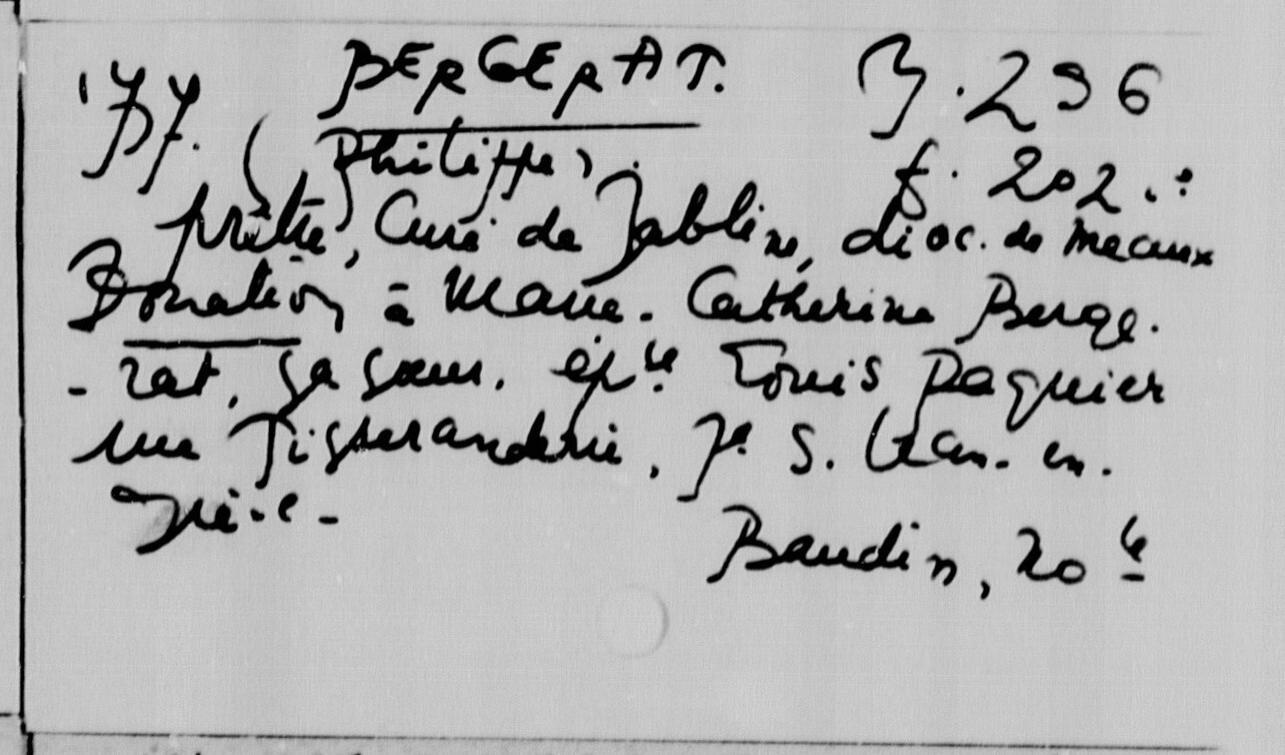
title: BERGERAT (Philippe)
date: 1707
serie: Y
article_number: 296
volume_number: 202v
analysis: prêtre, curé de Jabline, diocèse de Meaux Donation à Marie-Catherine Bergerat, sa sœur, épouse Louis Pasquier, rue Tisseranderie, paroisse Saint-Jean-en-Grève. Baudin, notaire.
